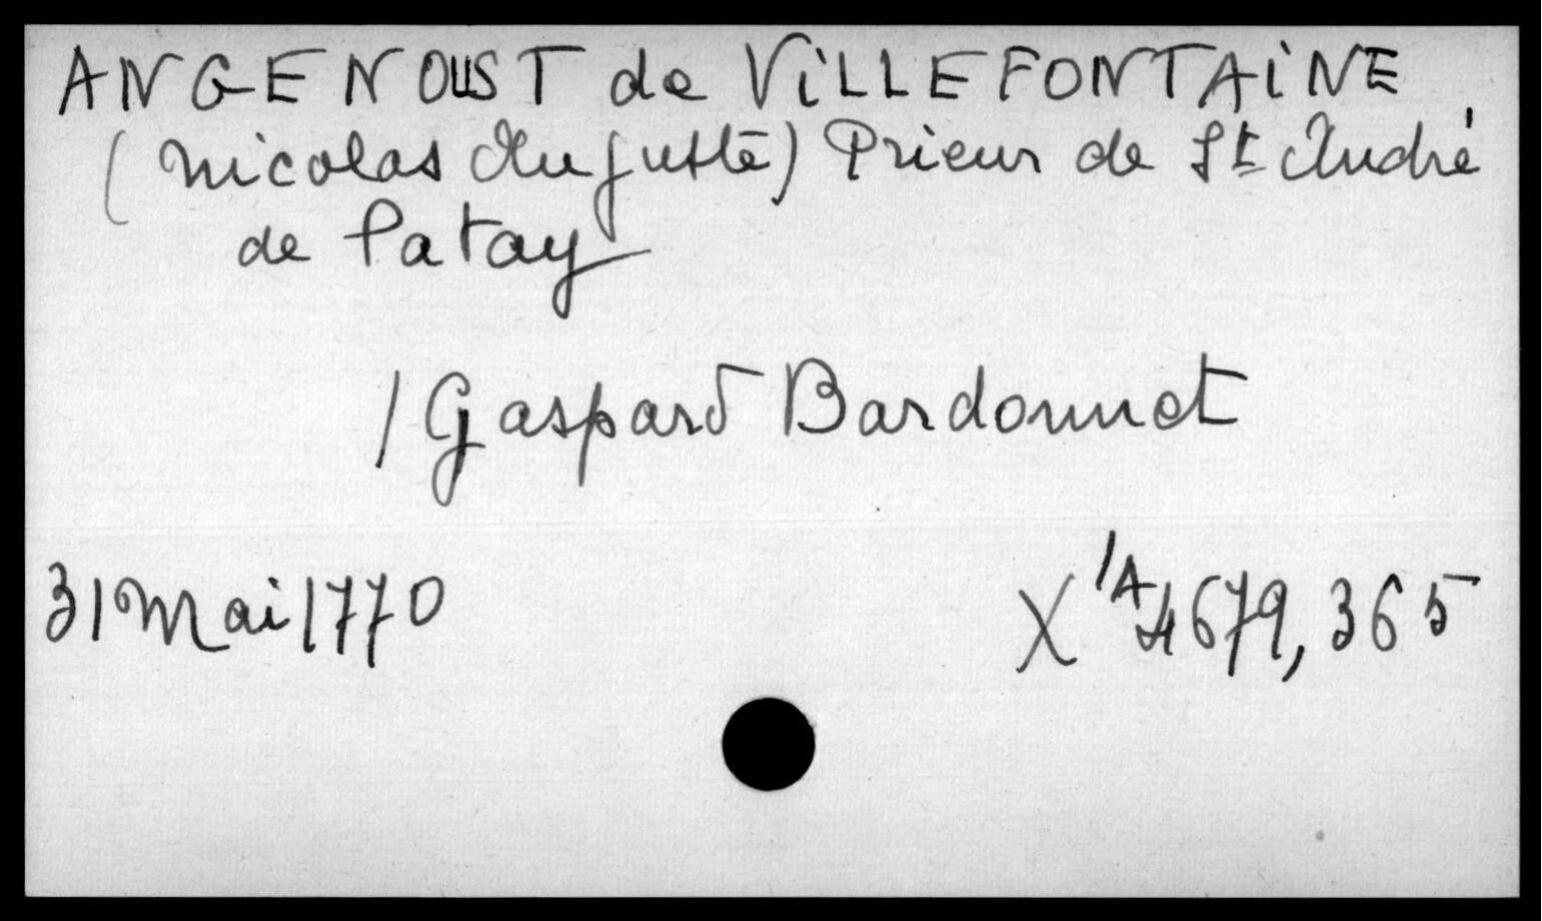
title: ANGENOUST de VILLEFONTAINE (Nicolas du juste) Prieur de Saint-André de Patay
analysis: Contre Gaspard Bardonnot
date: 31 mai 1770
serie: X1A
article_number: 4679
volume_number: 365
